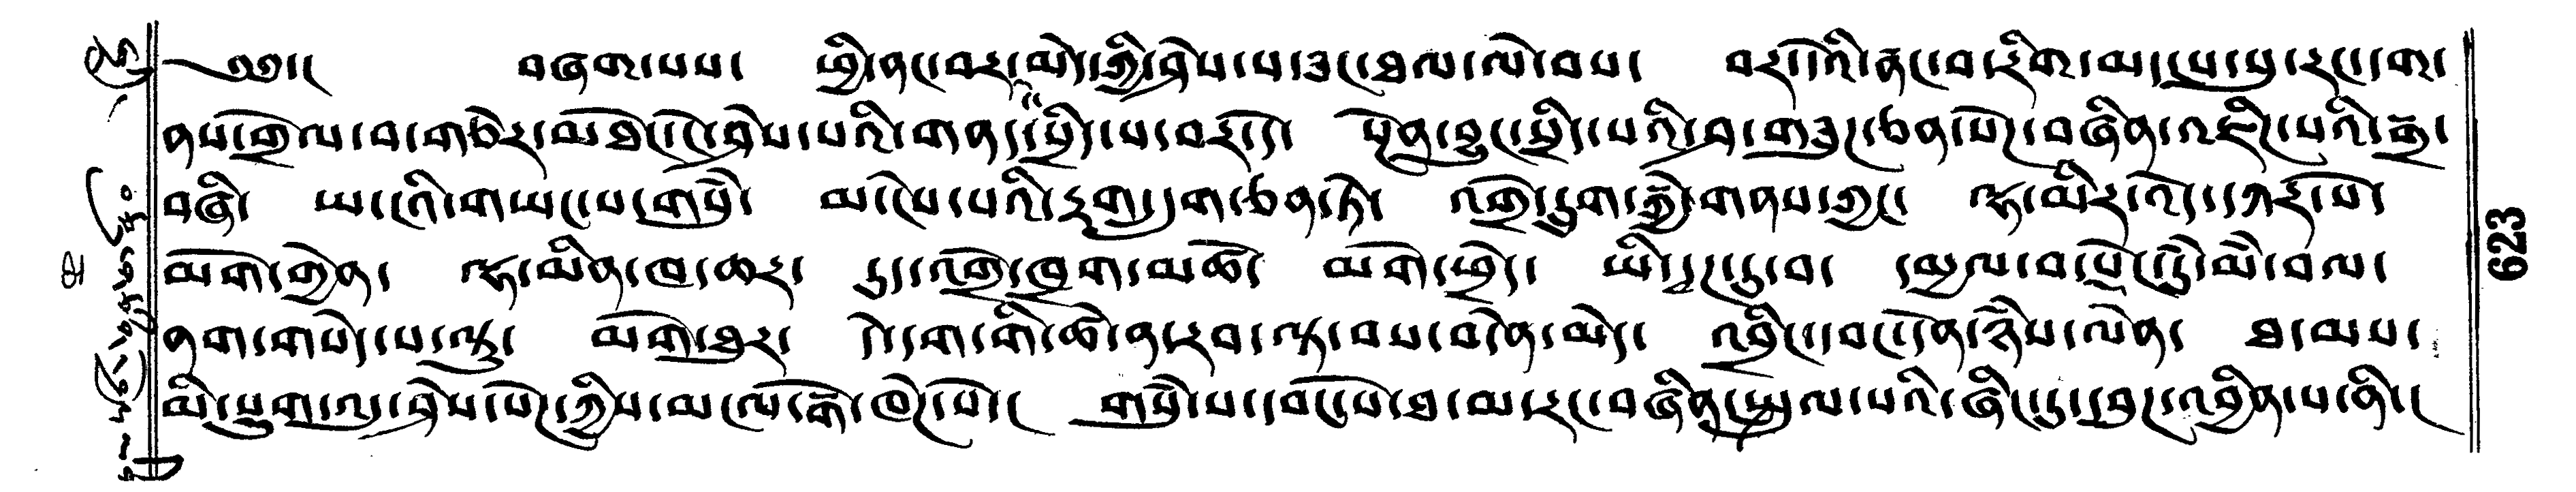བཞག་པས། ཕྱི་ནང་བར་མེད་ཀྱི་ཤེས་པ་ཟང་ཐལ་ལེ་བས། བར་དོའི་སྣང་བ་རིག་གདངས་སུ་རང་དག་
ནས་གྲོལ་བ་གཅེར་མཐོང་ངོ་ཤེས་པའི་གནད་དེ་སྲིད་པ་བར་དོ།སྔོན་བྱུང་སྲིད་པའི་ཤ་གཟུགས་ཅན་སོགས་བཞིན་འཇིགས་པའི་སྒྲ་
བཞི། ཡ་ངའི་གཡང་ས་གསུམ། མ་ངེས་པའི་རྟགས་དྲུག་ཅན་ཏེ། འགྲོ་དྲུག་གི་སྐྱེ་གནས་ཀྱང་། ལྷ་མིར་འོད་དཀར་པོ་
མགོ་གྱེན། ལྷ་མིན་ཁ་ཆར། དུད་འགྲོ་ཁྲག་མཚོ། མགོ་ཕྲེད། ཡི་དྭགས་དུ་བ། དམྱལ་བ་སྡོང་དུམ་མམ་བལ་
ནག་གསེད་པ་ལྟ་བུ། མགོ་ཐུར། དེ་དག་གི་ཚེ་ན་རབ་ལྟ་བས་བདེན་མེད། འབྲིང་དབང་དོན་ཉམས་ལེན། ཐ་མས་
མི་སྡུག་འདུ་ཤེས་སོགས་ཀྱིས་མངལ་སྒོ་ཁེགས་སོ། གསུམ་པ་དབང་པོ་ཐ་མ་རང་བཞིན་སྤྲུལ་པའི་ཞིང་དུ་དབུགས་འབྱིན་པ་ནི།